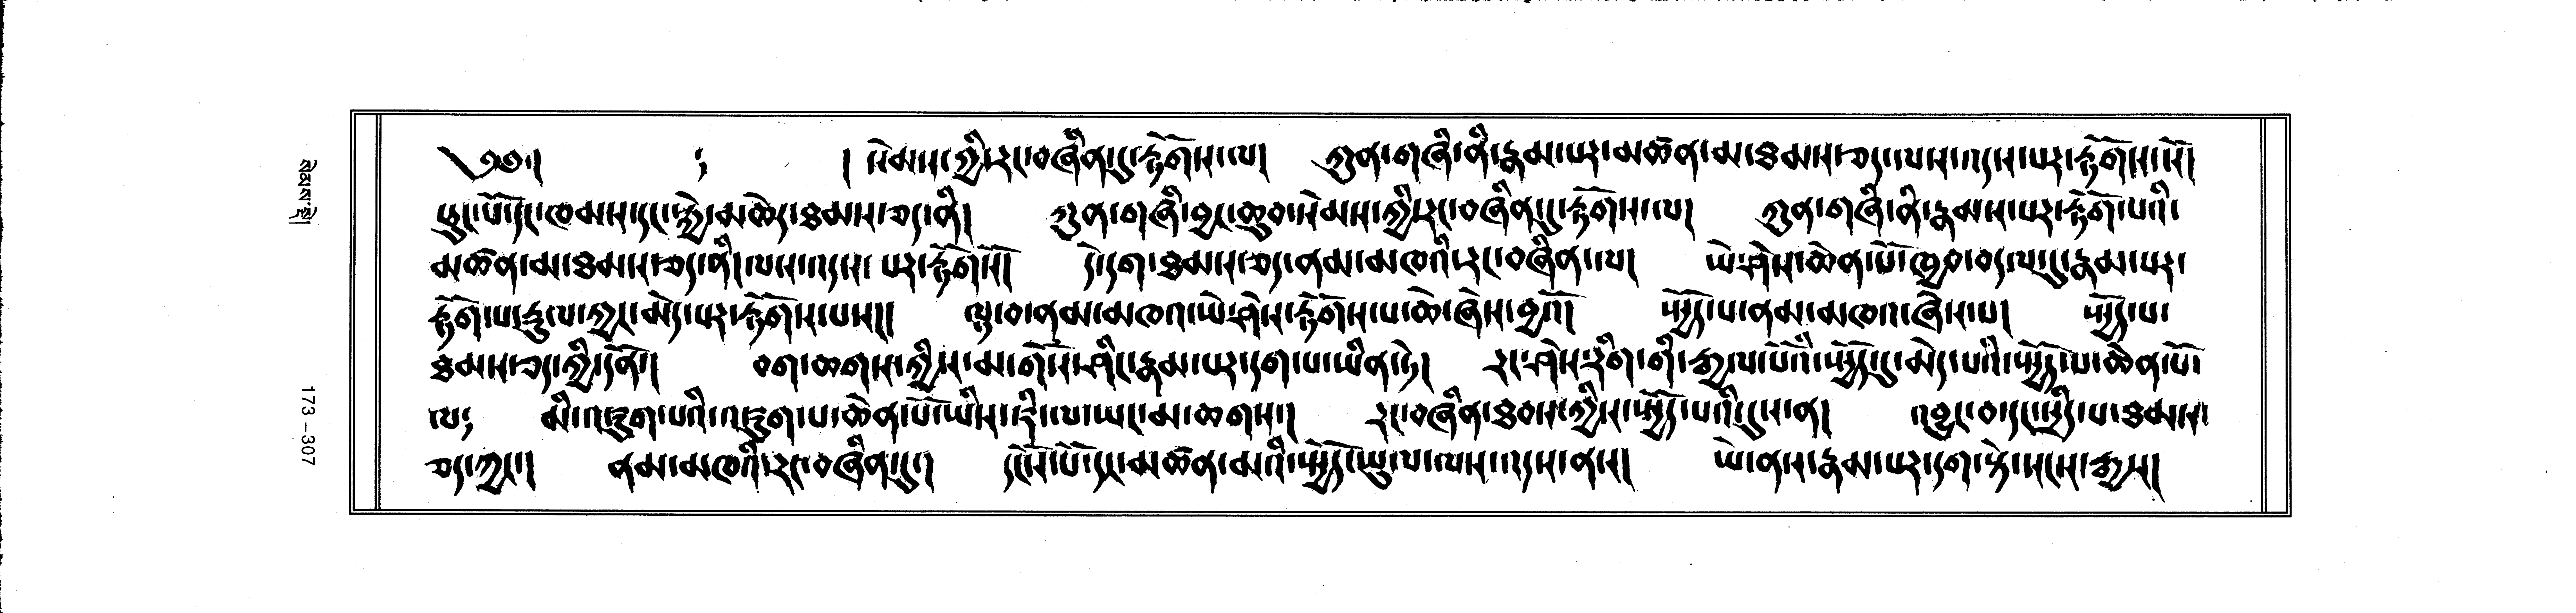སེམས་ཀྱི་རང་བཞིན་དུ་རྟོགས་ལ། ཀུན་གཞི་ནི་རྣམ་པར་མཚན་མ་ཐམས་ཅད་ལས་འདས་པར་རྟོགས་སོ། །
ཕུང་པོ་དང་ཁམས་དང་སྐྱེ་མཆེད་ཐམས་ཅད་ནི། ཀུན་གཞི་བྱང་ཆུབ་སེམས་ཀྱི་རང་བཞིན་དུ་རྟོགས་ལ། ཀུན་གཞི་ནི་རྣམ་པར་རྟོག་པའི་
མཚན་མ་ཐམས་ཅད་ལས་འདས་པར་རྟོགས་སོ། །དེ་དག་ཐམས་ཅད་ནམ་མཁའི་རང་བཞིན་ལ། ཡེ་ཤེས་ཆེན་པོ་ཁྱབ་བདལ་དུ་རྣམ་པར་
རྟོག་པ་རྡུལ་ཀྱང་མེད་པར་རྟོགས་པས། ལྟ་བ་ནམ་མཁའ་ཡེ་ཤེས་རྟོགས་པ་ཆེ་ཞེས་བྱའོ། །སྤྱོད་པ་ནམ་མཁའ་ཞེས་པ། སྤྱོད་པ་
ཐམས་ཅད་ཀྱི་དོན། བག་ཆགས་ཀྱིས་མ་གོས་ཤིང་རྣམ་པར་དག་པ་ཡིན་ཏེ། རང་ཤེས་རིག་གི་རྒྱལ་པོའི་སྤྱོད་དུ་མེད་པའི་སྤྱོད་པ་ཆེན་པོ་
ལ། མི་འཇུག་པའི་འཇུག་པ་ཆེན་པོ་ཡིས་ཇི་ལ་ཡང་མ་ཆགས། རང་བཞིན་ཐབས་ཀྱིས་སྤྱོད་པའི་དུས་ན། འབྱུང་བ་དང་སྲིད་པ་ཐམས
ཅད་ཀྱང་། ནམ་མཁའི་རང་བཞིན་དུ། དངོས་པོ་དང་མཚན་མའི་སྤྱོད་ཡུལ་ལས་འདས་ནས། ཡེ་ནས་རྣམ་པར་དག་སྟེ་སངས་རྒྱས།